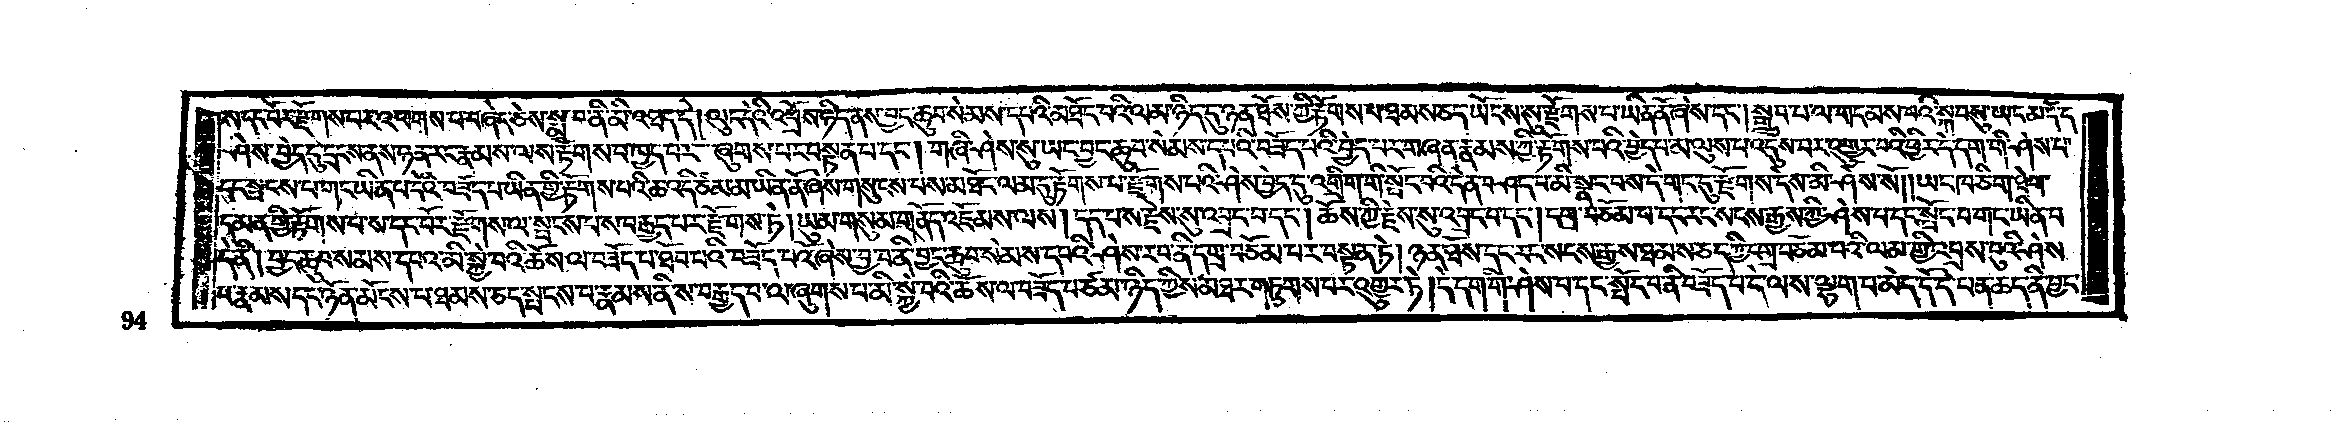ས་དང་པོར་རྫོགས་པར་འཕགས་པ་བཞེད་ཅེས་སྨྲ་བ་ནི་མི་འཐད་དེ། ལུང་དེའི་འཕྲོས་ཉིད་ནས་བྱང་ཆུབ་སེམས་དཔའི་མཐོང་བའི་ལམ་ཉིད་དུ་ཉན་ཐོས་ཀྱི་རྟོགས་པ་ཐམས་ཅད་ཡོངས་སུ་རྫོགས་པ་ཡིན་ནོ་ཞེས་དང་། སྒྲུབ་པ་ལ་གདམས་པའི་སྐབས་སུ་ཡང་མདོ་དེ་
ཤེས་བྱེད་དུ་དྲངས་ནས་ཉན་རང་རྣམས་ལས་རྟོགས་པ་ཁྱད་པར་ཞུགས་པར་བསྟན་པ་དང་། གཞི་ཤེས་སུ་ཡང་བྱང་ཆུབ་སེམས་དཔའི་བཟོད་པའི་བྱེད་པར་གཞན་རྣམས་ཀྱི་རྟོགས་པའི་བྱེད་པ་མ་ལུས་པ་འདུས་པར་འགྱུར་བའི་ཕྱིར་དེ་དག་གི་ཤེས་པ་
དང་སྤངས་པ་གང་ཡིན་པ་དེའི་བཟོད་པ་ཡིན་གྱི་རྟོགས་པའི་ཆ་འདི་ཙམ་མ་ཡིན་ནོ་ཞེས་གསུངས་པས་མཐོང་ལམ་དུ་རྟོགས་པ་རྫོགས་པའི་ཤེས་བྱེད་དུ་འགྲིག་གི་སྤོང་བའི་དོན་བཤད་པ་མི་སྣང་བས་དེ་གང་དུ་རྫོགས་དེས་མི་ཤེས་སོ། །ཡང་ཁ་ཅིག་ཐེག་
དམན་གྱི་རྟོགས་པ་ས་དང་པོར་རྫོགས་ལ་སྤངས་པ་ས་བརྒྱད་པར་རྫོགས་ཏེ། ཡུམ་གསུམ་གནོད་འཇོམས་ལས། དད་པས་རྗེས་སུ་འབྲང་བ་དང་། ཆོས་ཀྱི་རྗེས་སུ་འབྲང་བ་དང་། དགྲ་བཅོམ་པ་དང་རང་སངས་རྒྱས་ཀྱི་ཤེས་པ་དང་སྤོང་བ་གང་ཡིན་པ་
དེ་ནི། བྱང་ཆུབ་སེམས་དཔའ་མི་སྐྱེ་བའི་ཆོས་ལ་བཟོད་པ་ཐོབ་པའི་བཟོད་པའོ་ཞེས་བྱ་བ་ནི་བྱང་ཆུབ་སེམས་དཔའི་ཤེས་རབ་ནི་དགྲ་བཅོམ་པར་བསྟན་ཏེ། ཉན་ཐོས་དང་རང་སངས་རྒྱས་ཐམས་ཅད་ཀྱི་དགྲ་བཅོམ་པའི་ལམ་གྱི་འབྲས་བུའི་ཤེས་
པ་རྣམས་དང་ཉོན་མོངས་པ་ཐམས་ཅད་སྤངས་པ་རྣམས་ནི་ས་བརྒྱད་པ་ལ་ཞུགས་པ་མི་སྐྱེ་བའི་ཆོས་ལ་བཟོད་པ་ཙམ་ཉིད་ཀྱིས་མཐར་གཏུགས་པར་འགྱུར་ཏེ། དེ་དག་གི་ཤེས་པ་དང་སྤོང་བ་ནི་བཟོད་པ་དེ་ལས་ལྷག་པ་མེད་དོ་དེ་ཕན་ཆད་ནི་བྱང་